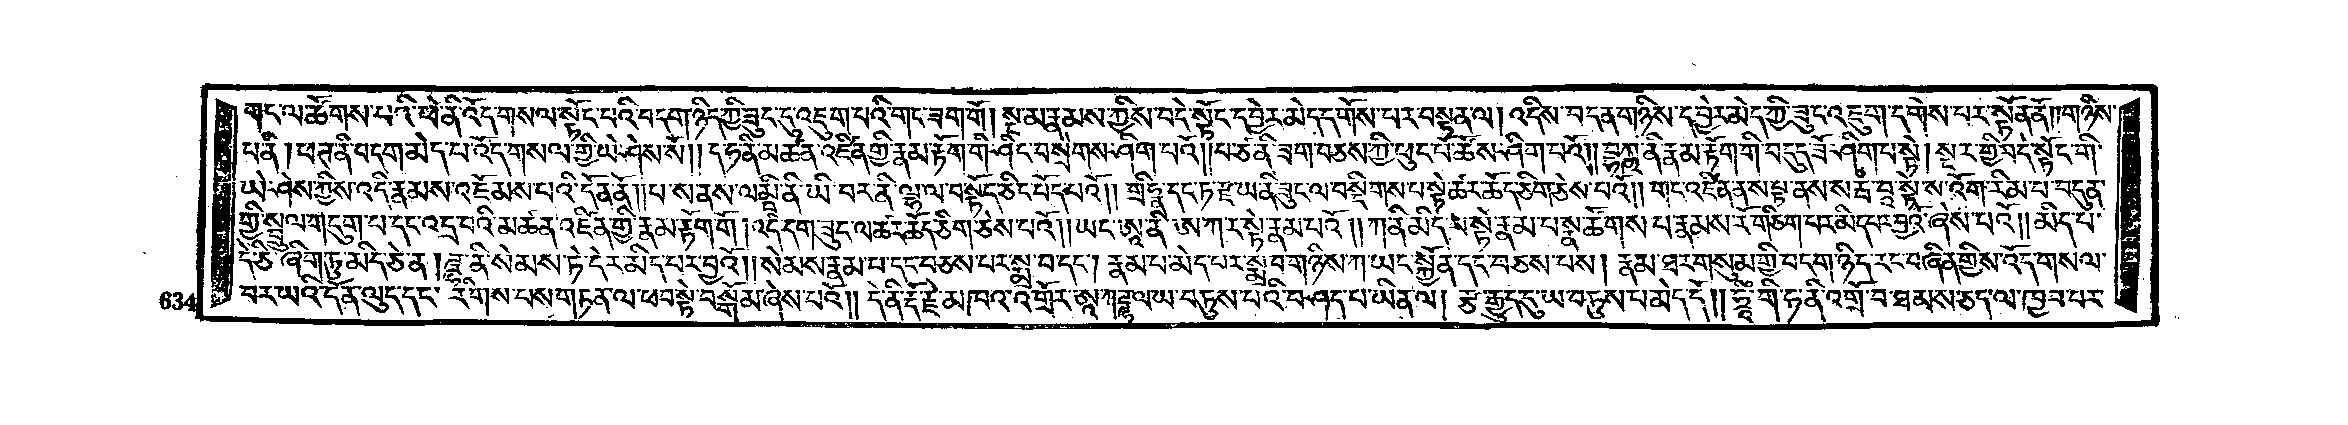གང་ལ་ཚོགས་པའི་ཕེ་ནི་འོད་གསལ་སྟོང་པའི་བདག་ཉིད་ཀྱི་ཟུང་དུ་འཇུག་པའི་གང་ཟག་གོ །སྔ་མ་རྣམས་ཀྱིས་བདེ་སྟོང་དབྱེར་མེད་དགོས་པར་བསྟན་ལ། འདིས་བདེན་གཉིས་དབྱེར་མེད་ཀྱི་ཟུང་འཇུག་དགོས་པར་སྟོན་ནོ། །གཉིས་
པ་ནི། ཕཊ་ནི་བདག་མེད་པ་འོད་གསལ་གྱི་ཡེ་ཤེས་སོ། །ད་ཧ་ནི་མཚན་འཛིན་གྱི་རྣམ་རྟོག་གི་ཤིང་བསྲེགས་ཤིག་པའོ། །པ་ཙ་ནི་ཟག་བཅས་ཀྱི་ཕུང་པོ་ཚོས་ཤིག་པའོ། །བྷཀྵ་ནི་རྣམ་རྟོག་གི་བདུད་ཟོ་ཤིག་པ་སྟེ། སྔར་གྱི་བདེ་སྟོང་གི་
ཡེ་ཤེས་ཀྱིས་འདི་རྣམས་འཇོམས་པའི་དོན་ནོ། །པ་ས་ནས་ལམྦི་ནི་ཡི་བར་ནི་ལྷ་ལ་བསྟོད་ཅིང་བོད་པའོ། །གྲིཧན་དང་ཏ་རྫ་ཡ་ནི་ཟུང་ལ་བསྡིགས་པ་སྟེ་ཚར་ཆོད་ཅིག་ཅེས་པའོ། །གང་འཛིན་ན་སཔྟ་ནས་སརྦཾ་བཱ་སྟེ་ས་འོག་རིམ་པ་བདུན་
གྱི་སྦྲུལ་གདུག་པ་དང་འདྲ་བའི་མཚན་འཛིན་གྱི་རྣམ་རྟོག་གོ །འདི་དག་ཟུང་ལ་ཚར་ཆོད་ཅིག་ཅེས་པའོ། །ཡང་ཨཱ་ནི་ཨ་ཀ་ར་སྟེ་རྣམ་པའོ། །ཀ་ནི་མིད་པ་སྟེ་རྣམ་པ་སྣ་ཚོགས་པ་རྣམས་རོ་གཅིག་པར་མིད་པར་བྱའོ་ཞེས་པའོ། །མིད་པ་
དེ་ཅི་ཞིག་ཏུ་མིད་ཅེ་ན། ཌྜྷ་ནི་སེམས་ཏེ་དེར་མིད་པར་བྱའོ། །སེམས་རྣམ་པ་དང་བཅས་པར་སྨྲ་བ་དང་། རྣམ་པ་མེད་པར་སྨྲ་བ་གཉིས་ཀ་ཡང་སྐྱོན་དང་བཅས་པས། རྣམ་ཐར་གསུམ་གྱི་བདག་ཉིད་རང་བཞིན་གྱིས་འོད་གསལ་
བར་ཡའི་དོན་ལུང་དང་རིགས་པས་གཏན་ལ་ཕབ་སྟེ་བསྒོམ་ཞེས་པའོ། །དེ་ནི་རྡོ་རྗེ་མཁའ་འགྲོར་ཨཱ་ཀཌྜྷ་ལ་ཡ་བཏུས་པའི་བཤད་པ་ཡིན་ལ། རྩ་རྒྱུད་དུ་ཡ་བཏུས་པ་མེད་དོ། །ཧྲཱིཾ་གི་ཧ་ནི་འགྲོ་བ་ཐམས་ཅད་ལ་ཁྱབ་པར་